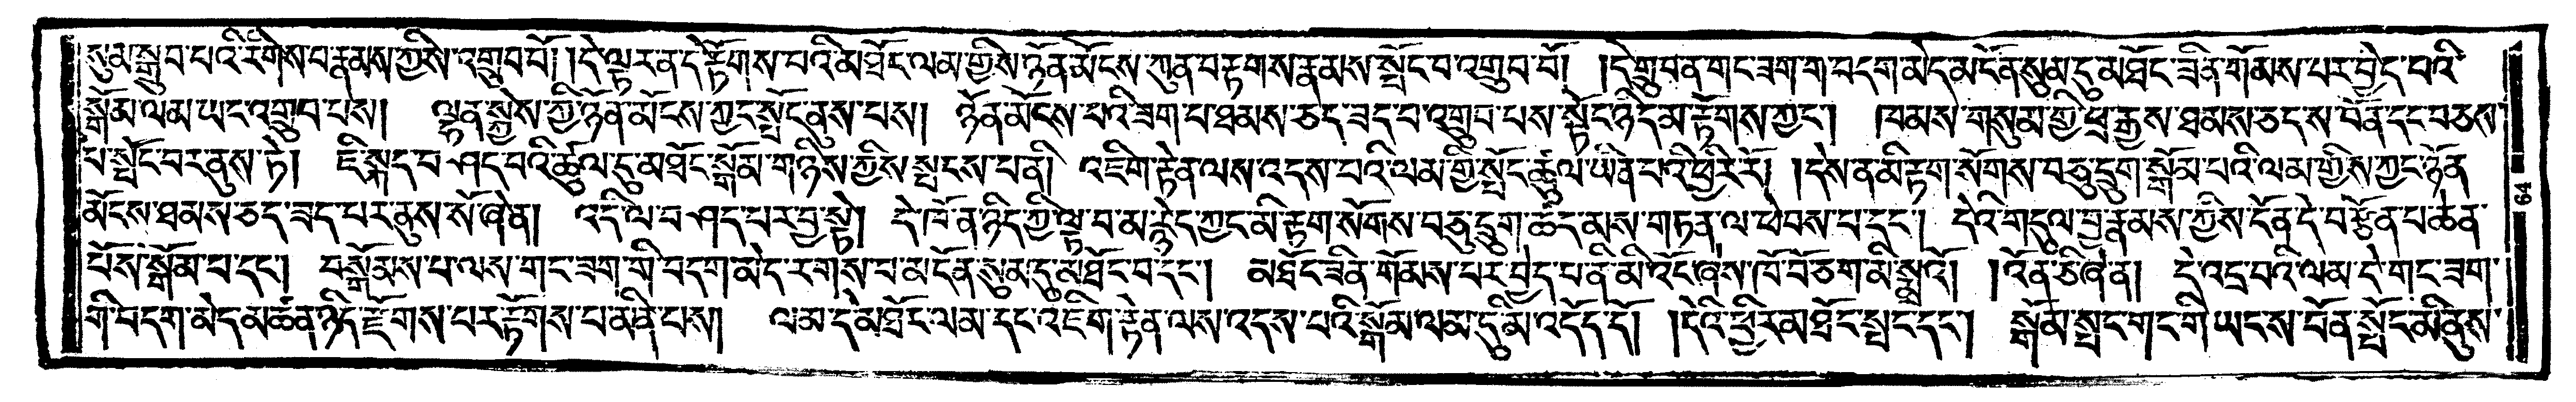སུམ་སྒྲུབ་པའི་རིགས་པ་རྣམས་ཀྱིས་འགྲུབ་བོ། །དེ་ལྟར་ན་དེ་རྟོགས་པའི་མཐོང་ལམ་གྱིས་ཉོན་མོངས་ཀུན་བརྟགས་རྣམས་སྤོང་བ་འགྲུབ་བོ། །དེ་གྲུབ་ན་གང་ཟག་གི་བདག་མེད་མངོན་སུམ་དུ་མཐོང་ཟིན་གོམས་པར་བྱེད་པའི་
སྒོམ་ལམ་ཡང་འགྲུབ་པས། ལྷན་སྐྱེས་ཀྱི་ཉོན་མོངས་ཀྱང་སྤོང་ནུས་པས། ཉོན་མོངས་པའི་ཟག་པ་ཐམས་ཅད་ཟད་པ་འགྲུབ་པས་སྟོང་ཉིད་མ་རྟོགས་ཀྱང་། ཁམས་གསུམ་གྱི་ཕྲ་རྒྱས་ཐམས་ཅད་ས་བོན་དང་བཅས་
པ་སྤོང་བར་ནུས་ཏེ། ཇི་སྐད་བཤད་པའི་ཚུལ་དུ་མཐོང་སྒོམ་གཉིས་ཀྱིས་སྤངས་པ་ནི། འཇིག་རྟེན་ལས་འདས་པའི་ལམ་གྱི་སྤོང་ཚུལ་ཡིན་པའི་ཕྱིར་རོ། །དེས་ན་མི་རྟག་སོགས་བཅུ་དྲུག་སྒོམ་པའི་ལམ་གྱིས་ཀྱང་ཉོན་
མོངས་ཐམས་ཅད་ཟད་པར་ནུས་སོ་ཞེ་ན། འདི་ལ་བཤད་པར་བྱ་སྟེ། དེ་ཁོ་ན་ཉིད་ཀྱི་ལྟ་བ་མ་རྙེད་ཀྱང་མི་རྟག་སོགས་བཅུ་དྲུག་ཚད་མས་གཏན་ལ་ཕེབས་པ་དང་། དེའི་གདུལ་བྱ་རྣམས་ཀྱིས་དོན་དེ་བརྩོན་པ་ཆེན་
པོས་སྒོམ་པ་དང་། བསྒོམས་པ་ལས་གང་ཟག་གི་བདག་མེད་རགས་པ་མངོན་སུམ་དུ་མཐོང་བ་དང་། མཐོང་ཟིན་གོམས་པར་བྱེད་པ་ནི་མི་འོང་ཞེས་ཁོ་བོ་ཅག་མི་སྨྲའོ། །འོ་ན་ཅི་ཞེ་ན། དེ་འདྲ་བའི་ལམ་དེ་གང་ཟག་
གི་བདག་མེད་མཚན་ཉིད་རྫོགས་པར་རྟོགས་པ་མིན་པས། ལམ་དེ་མཐོང་ལམ་དང་འཇིག་རྟེན་ལས་འདས་པའི་སྒོམ་ལམ་དུ་མི་འདོད་དོ། །དེའི་ཕྱིར་མཐོང་སྤང་དང་། སྒོམ་སྤང་གང་གི་ཡང་ས་བོན་སྤོང་མི་ནུས་